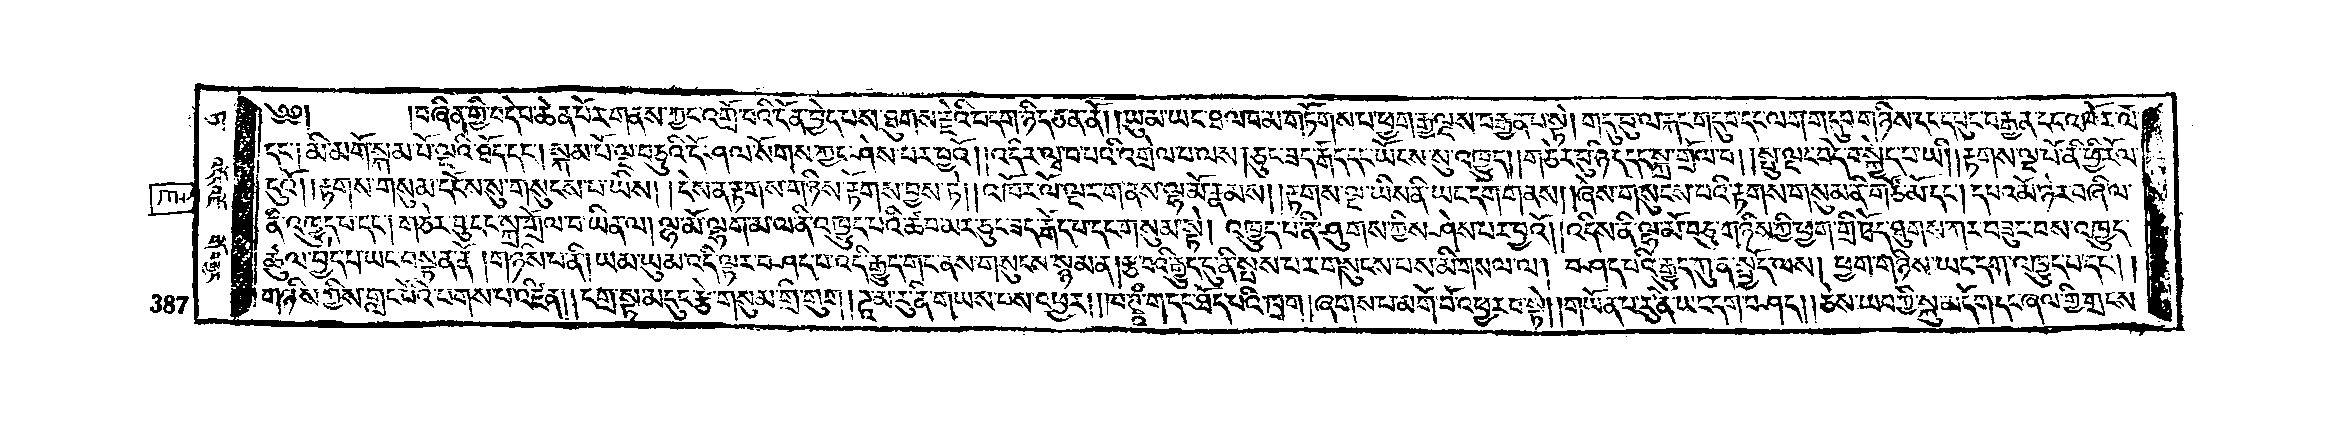༄༅། །བཞིན་གྱི་བདེ་བ་ཆེན་པོར་གནས་ཀྱང་འགྲོ་བའི་དོན་བྱེད་པས་ཐུགས་རྗེའི་བདག་ཉིད་ཅན་ནོ། །ཡུམ་ཡང་ཐལ་བ་མ་གཏོགས་པ་ཕྱག་རྒྱ་ལྔས་བརྒྱན་པ་སྟེ། གདུ་བུ་ལ་རྐང་གདུབ་དང་ལག་གདུབ་གཉིས་དང་དཔུང་བརྒྱན་དང་འཁོར་ལོ་
དང་། མི་མགོ་སྐམ་པོ་ལྔའི་ཐོད་དང་། སྐམ་པོ་ལྔ་བཅུའི་དོ་ཤལ་སོགས་ཀྱང་ཤེས་པར་བྱའོ། །འདིར་ལྭ་བ་པའི་འགྲེལ་པ་ལས། ཅུང་ཟད་རྒོད་དང་ཡོངས་སུ་འཁྱུད། །གཅེར་བུ་ཉིད་དང་སྐྲ་གྲོལ་བ། །སྤུ་ལྡང་བདེ་བ་སྐྱེད་པ་ཡི། །རྟགས་ལྔ་པོ་ནི་ཕྱི་རོལ་
དུའོ། །རྟགས་གསུམ་དངོས་སུ་གསུངས་པ་ཡིས། །དེས་ན་རྟགས་གཉིས་རྟོགས་བྱས་ཏེ། །འཁོར་ལོ་ལྔར་གནས་ལྷ་མོ་རྣམས། །རྟགས་ལྔ་ཡིས་ནི་ཡང་དག་གནས། །ཞེས་གསུངས་པའི་རྟགས་གསུམ་ནི་གཙོ་མོ་དང་། དཔའ་མོ་ཉེར་བཞི་ལ་
ནི་འཁྱུད་པ་དང་། གཅེར་བུ་དང་སྐྲ་གྲོལ་བ་ཡིན་ལ། ལྷ་མོ་ལྷག་མ་ལ་ནི་འཁྱུད་པའི་ཚབ་མར་ཅུང་ཟད་རྒོད་པ་དང་གསུམ་སྟེ། འཁྱུད་པ་ནི་ཤུགས་ཀྱིས་ཤེས་པར་བྱའོ། །འདིས་ནི་ལྷ་མོ་བཅུ་གཉིས་ཀྱི་ཕྱག་གྲི་ཐོད་ཐུགས་ཀར་བཟུང་བས་འཁྱུད་
ཚུལ་བྱེད་པ་ཡང་བསྟན་ནོ། གཉིས་པ་ནི། ཡམ་ཡུམ་འདི་ལྟར་བཤད་པ་འདི་རྒྱུད་གང་ནས་གསུངས་སྙམ་ན། རྩ་བའི་རྒྱུད་དུ་ནི་སྤས་པར་གསུངས་པས་མི་གསལ་ལ། བཤད་པའི་རྒྱུད་ཀུན་སྤྱོད་ལས། ཕྱག་གཉིས་ཡང་དག་འཁྱུད་པ་དང་། །
གཉིས་ཀྱིས་གླང་པོའི་པགས་པ་འཛིན། །དགྲ་སྟ་མདུང་རྩེ་གསུམ་གྲི་གུག །ཌཱ་མ་རུ་ནི་གྱས་པས་འཕྱར། །ཁ་ཊྭཱཾ་ག་དང་ཐོད་པའི་ཁྲག །ཞགས་པ་མགོ་བོ་འཕྱར་བ་སྟེ། །གྱོན་པ་རུ་ནི་ཡང་དག་བཤད། །ཅེས་ཡབ་ཀྱི་སྐུ་མདོག་དང་ཞལ་གྱི་གྲངས་